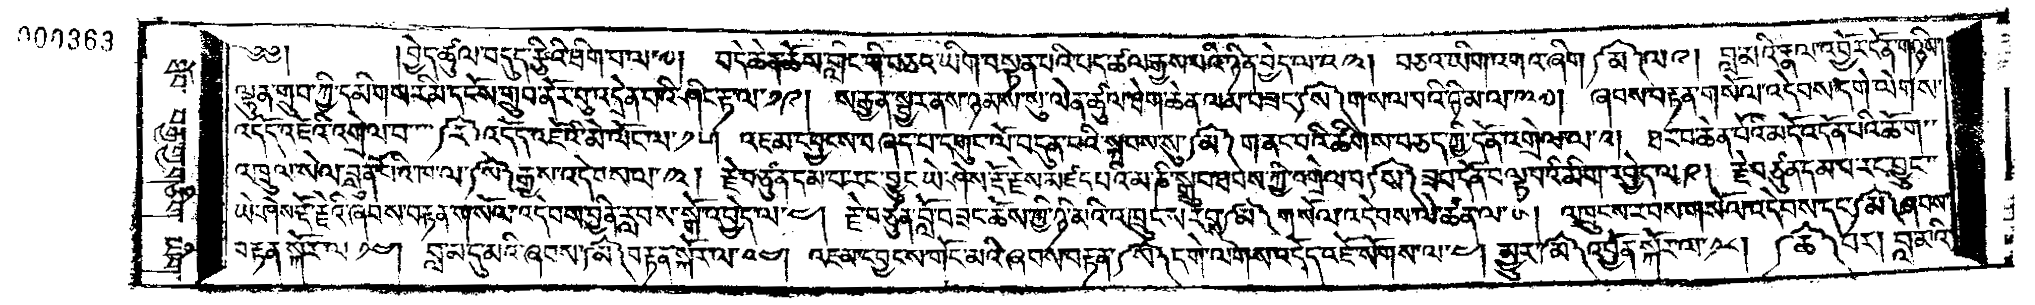༄༅། །བྱེད་ཚུལ་བདུད་རྩིའི་ཐིག་པ་ལ ༧། བདེ་ཆེན་ཆོས་གླིང་གི་བཅའ་ཡིག་བསྟན་པའི་པད་ཚལ་རྒྱས་པའི་ཉིན་བྱེད་ལ ༢༣། བཅའ་ཡིག་འགའ་ཞིག ༼མ༽ ལ ༩། བླ་མའི་རྣལ་འབྱོར་དོན་གཉིས་
ལྷུན་གྲུབ་ཀྱི་དམིགས་རིམ་དངོས་གྲུབ་ནོར་བུ་འདྲེན་པའི་ཤིང་རྟ་ལ ༡༩། ས་རྒྱན་སྦྱར་ནས་ཉམས་སུ་ལེན་ཚུལ་ཐེག་ཆེན་ལམ་བཟང ༼ས༽ གསལ་བའི་ཉི་མ་ལ ༣༧། ཞབས་བརྟན་གསོལ་འདེབས་དགེ་ལེགས་
འདོད་འཇོའི་འགྲེལ་བ ༼ར༽ འདོད་འཇོའི་མེ་ལོང་ལ ༡༥། འཇམ་དབྱངས་བཞད་པ་དགུང་ལོ་བདུན་པའི་སྐབས་སུ ༼མ༽ གནང་བའི་ཚིགས་བཅད་ཀྱི་དོན་འགྲེལ་ལ ༢། ཐར་བ་ཆེན་པོའི་མདོ་འདོན་པའི་ཆོ་ག་
འཁྲུལ་སེལ་བླུན་པོའི་ཁ་ལ ༼ས༽ རྒྱས་འདེབས་ལ ༣། རྗེ་བཙུན་དམ་པ་རང་བྱུང་ཡེ་ཤེས་རྡོ་རྗེས་མཛད་པའི་མ་ཎི་སྒྲུབ་ཐབས་ཀྱི་འགྲེལ་བ ༼ས༽ ཟབ་དོན་བལྟ་བའི་མིག་འབྱེད་ལ ༩། རྗེ་བཙུན་དམ་པ་རང་བྱུང་
ཡེ་ཤེས་རྡོ་རྗེའི་ཞབས་བརྟན་གསོལ་འདེབས་བྱིན་རླབས་སྒོ་འབྱེད་ལ ༤། རྗེ་བཙུན་བློ་བཟང་ཆོས་ཀྱི་ཉི་མའི་འཁྲུངས་རབས ༼མ༽ གསོལ་འདེབས་ལེ་ཚན་ལ ༦། འཁྲུངས་རབས་གསོལ་འདེབས་དང ༼མ༽ ཞབས་
བརྟན་སྐོར་ལ ༡༤། བླ་མ་དུ་མའི་ཞབས ༼མ༽ བརྟན་སྐོར་ལ ༢༤། འཇམ་དབྱངས་གོང་མའི་ཞབས་བརྟན ༼ས༽ དགེ་ལེགས་འདོད་འཇོ་སོགས་ལ ༤། མྱུར ༼མ༽ འབྱོན་སྐོར་ལ ༡༨། ༼ཆ༽ པར། བླ་མའི་